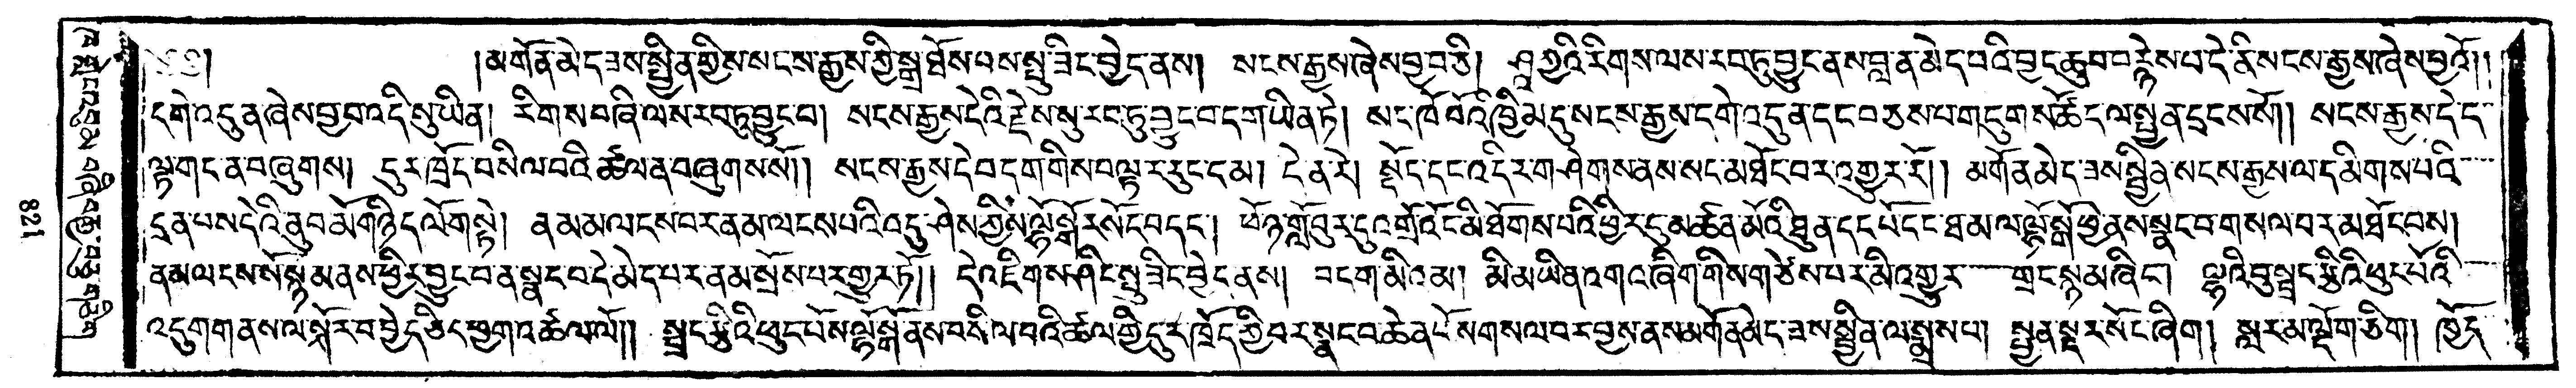༄༅། །མགོན་མེད་ཟས་སྤྱིན་གྱིས་སངས་རྒྱས་ཀྱི་སྒྲ་ཐོས་པས་སྤུ་ཟིང་བྱེད་ནས། སངས་རྒྱས་ཞེས་བྱ་བ་ཅི། ཤཱཀྱའི་རིགས་ལས་རབ་ཏུ་བྱུང་ནས་བླ་ན་མེད་པའི་བྱང་ཆུབ་བརྙེས་པ་དེ་ནི་སངས་རྒྱས་ཞེས་བྱའོ།།
དགེ་འདུན་ཞེས་བྱ་བ་འདི་སུ་ཡིན། རིགས་བཞི་ལས་རབ་ཏུ་བྱུང་བ། སངས་རྒྱས་དེའི་རྗེས་སུ་རབ་ཏུ་བྱུང་བ་དག་ཡིན་ཏེ། སང་ཁོ་བོའི་ཁྱིམ་དུ་སངས་རྒྱས་དགེ་འདུན་དང་བཅས་པ་གདུགས་ཚོད་ལ་སྤྱན་དྲངས་སོ།། སངས་རྒྱས་དེ་ད་
ལྟ་གང་ན་བཞུགས། དུར་ཁྲོད་བསིལ་བའི་ཚལ་ན་བཞུགས་སོ།། སངས་རྒྱས་དེ་བདག་གིས་བལྟར་རུང་དམ། དེ་ན་རེ། སྡོད་དང་འདིར་གཤེགས་ནས་སང་མཐོང་བར་འགྱུར་རོ།། མགོན་མེད་ཟས་སྦྱིན་སངས་རྒྱས་ལ་དམིགས་པའི་
དྲན་པས་དེའི་ནུབ་མོ་གཉིད་ལོག་སྟེ། ནམ་མ་ལངས་བར་ནམ་ལངས་པའི་འདུ་ཤེས་ཀྱིས་ལྷོ་སྒོར་སོང་བ་དང་། ཕོ་ཉ་གློ་བུར་དུ་འགྲོ་འོང་མི་ཐོགས་པའི་ཕྱིར་དུ་མཚན་མོའི་ཐུན་དང་པོ་དང་ཐ་མ་ལ་ལྷོ་སྒོ་ཕྱེ་ནས་སྣང་བ་གསལ་བར་མཐོང་བས།
ནམ་ལངས་སོ་སྙམ་ནས་ཕྱིར་བྱུང་བ་ན་སྣང་བ་དེ་མེད་པར་ནམ་སྲོས་པར་གྱུར་ཏོ།། དེ་འཇིགས་ཤིང་སྤུ་ཟིང་བྱེད་ནས། བདག་མིའམ། མི་མ་ཡིན་འགའ་ཞིག་གིས་གཙེས་པར་མི་འགྱུར་གྲང་སྙམ་ཞིང་། ལྷའི་བུ་སྦྲང་རྩིའི་ཕུང་པོའི་
འདུག་གནས་ལ་སྐོར་བ་བྱེད་ཅིང་ཕྱག་འཚལ་ལོ།། སྦྲང་རྩིའི་ཕུང་པོས་ལྷོ་སྒོ་ནས་བསིལ་བའི་ཚལ་གྱི་དུར་ཁྲོད་ཀྱི་བར་སྣང་བ་ཆེན་པོས་གསལ་བར་བྱས་ནས་མགོན་མེད་ཟས་སྦྱིན་ལ་སྨྲས་པ། སྤྱན་སྡར་སོང་ཞིག། སླར་མ་ལྡོག་ཅིག། ཁྱོད་